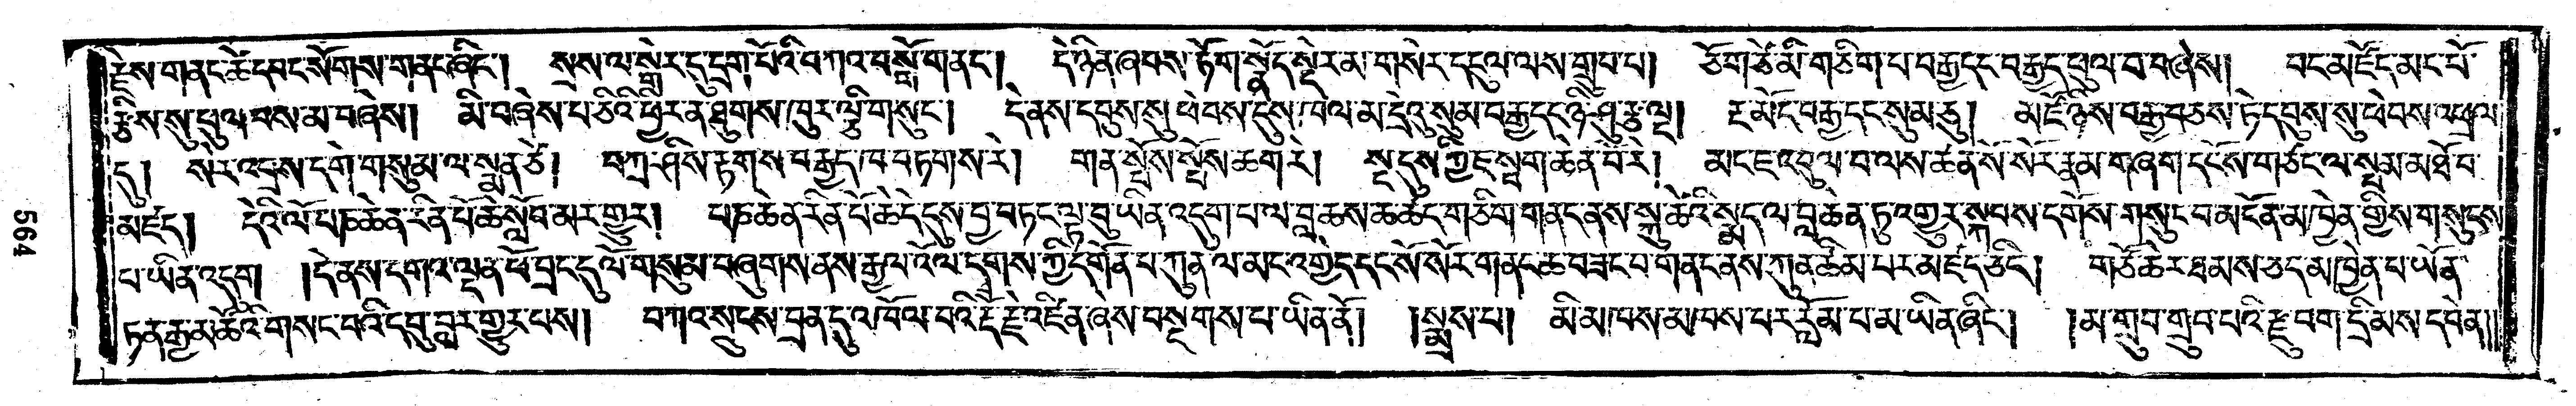རྗེས་གནང་ཚེ་དབང་སོགས་གནང་ཞིང་། སྲས་ལ་སྒེར་དུ་དྲག་པོའི་བཀའ་བསྒོ་གནང་། དེ་ཉིན་ཞབས་ཏོག་སྣོད་སྡེར་མ་གསེར་དངུལ་ལས་གྲུབ་པ། ཅོག་ཙེ་མི་གཅིག་པ་བརྒྱ་དང་བརྒྱད་ཕུལ་བ་བཞེས། བང་མཛོད་མང་པོ་
རྩིས་སུ་ཕུལ་བསམ་བཞེས། མི་བཞེས་པ་ཅིའི་ཕྱིར་ན་ཐུགས་ཁུར་ལྕི་གསུང་། དེ་ནས་དབུས་སུ་ཕེབས་དུས་ཁལ་མ་དྲེའུ་སུམ་བརྒྱ་དང་ཉི་ཤུ་རྩ་ལྔ། རྔ་མོད་བརྒྱ་དང་སུམ་ཅུ། མཛོ་ཉིས་བརྒྱ་བཅས་ཏེ་དབུས་སུ་ཕེབས་འཕྲལ་
དུ། སེར་འབྲས་དགེ་གསུམ་ལ་སྨན་ཙེ། བཀྲ་ཤིས་རྟགས་བརྒྱད་ཁ་བཏགས་རེ། གན་སྤོས་སྤོས་ཆག་རེ། སྔ་དུས་ཀྱི་ཇ་སྦག་ཆེན་པོ་རེ། མང་ཇ་འབུལ་བ་ལས་ཚན་སོ་སོར་རྣམ་གཞག་དངོས་གཙང་ལ་སྤམ་མཐོ་བ་
མཛད། དེའི་ལོ་པཎ་ཆེན་རིན་པོ་ཆེ་སློབ་མར་གྱུར། པཎ་ཆེན་རིན་པོ་ཆེ་དེ་དུས་བྱ་བཏང་ལྟ་བུ་ཡིན་འདུག་པ་ལ་བླ་ཆས་ཆ་ཚང་གཅིག་གནང་ནས་སྐུ་ཚེའི་སྨད་ལ་བླ་ཆེན་ཏུ་འགྱུར་སྐབས་དགོས་གསུང་བ་མངོན་མཁྱེན་གྱིས་གསུངས་
པ་ཡིན་འདུག །དེ་ནས་དགའ་ལྡན་ཕོ་བྲང་དུ་ལོ་གསུམ་བཞུགས་ནས་རྒྱལ་འོལ་དྭགས་ཀྱི་དགོན་པ་ཀུན་ལ་མང་འགྱེད་དང་སོ་སོར་གནང་ཆ་བཟང་བ་གནང་ནས་ཀུན་ཚིམ་པར་མཛད་ཅིང་། གཙོ་ཆེར་ཐམས་ཅད་མཁྱེན་པ་ཡོན་
ཏན་རྒྱ་མཚོའི་གསང་བའི་དབུ་བླར་གྱུར་པས། བཀའ་སྲུངས་བྲན་དུ་འཁོལ་བའི་རྡོ་རྗེ་འཛིན་ཞེས་བསྔགས་པ་ཡིན་ནོ། །སྨྲས་པ། མི་མཁས་མཁས་པར་རློམ་པ་མ་ཡིན་ཞིང་། །མ་གྲུབ་གྲུབ་པའི་རྫུ་བག་དྲི་མས་དབེན།།